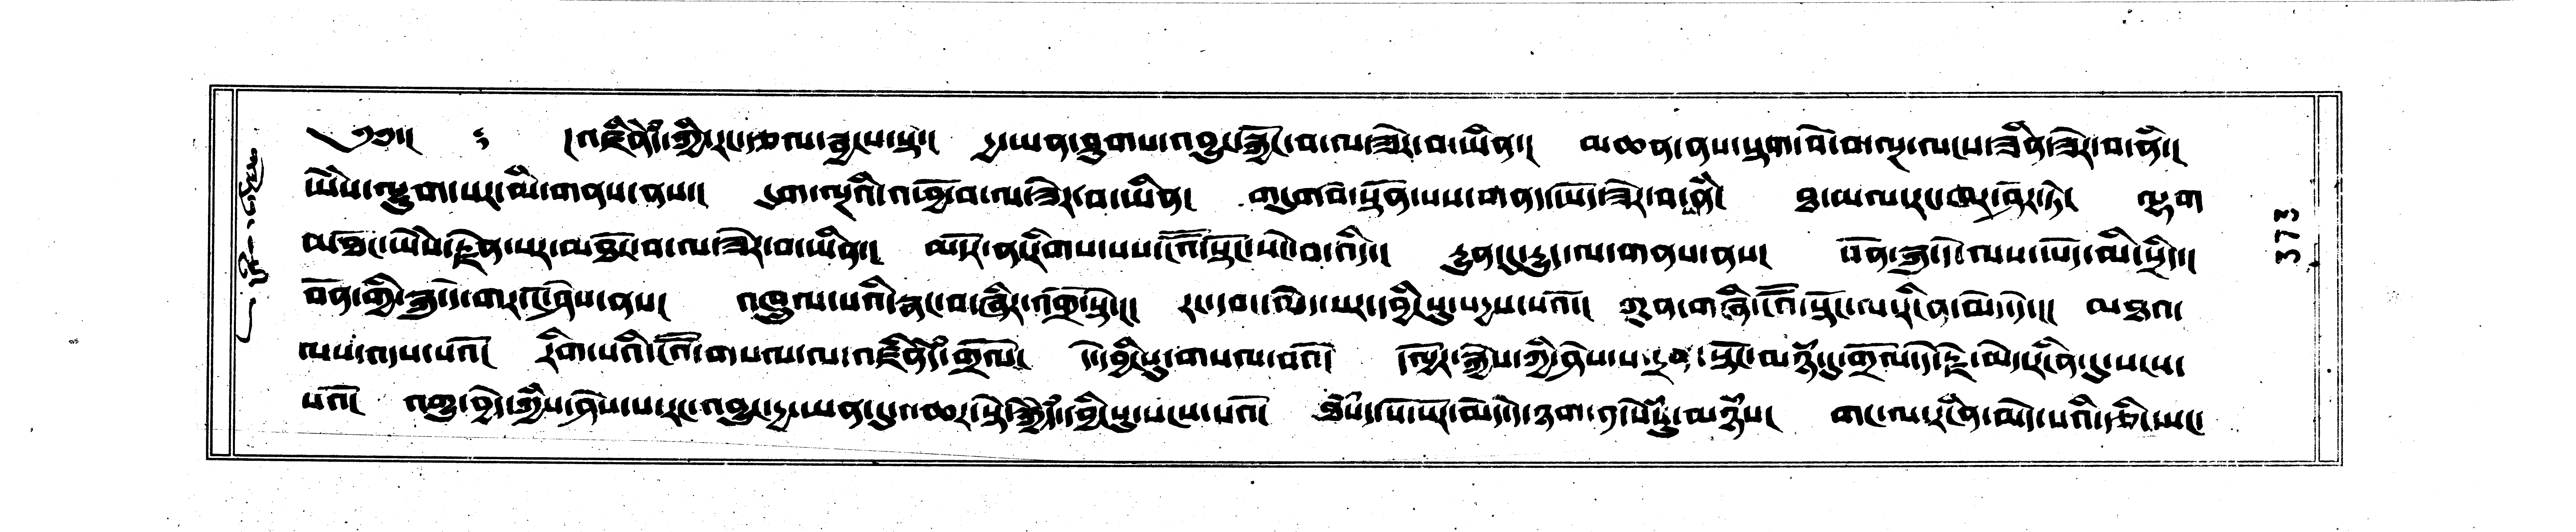འཛིན་མེད་ཀྱིས་རང་རྩལ་སྦྱངས་ཏེ་རྒྱ་ཡན་ཤུགས་འབྱུང་སྐྱོངས་པ་ལ་ཟེར་བ་ཡིན། མཆེན་༼མཆན༽ནས་སྟག་འབོང་ལྔ་ལངས་ཟེར་བ་ནི། 
ཡེ་ཤེས་ལྷུག་པ་རུ་མི་གནས་ནས་དུག་ལྔ་འཕྱོ་བ་ལ་ཟེར་བ་ནི། གདུག་རྩུག་སྟོན་པའི་གནད་ཡོད་ཟེར་བ་ནི། ཐ་མལ་རང་ཁར་ཤོར་ཏེ། ལྷག་
མཐོང་གི་ཡེ་ཤེས་རྗེན་པར་མི་མཐོང་པ་ལ་ཟེར་བ་ཡིན། མདོར་ན་རིག་པའི་ངོའོ་འདི། སྟོང་སང་ངེ་བ་འདི་རྒྱུན་དུ་རྒྱུད་ལ་གནས་ན། བོན་གྱི་སྐུ་དེ་ལས་ཡོད་མི་སྲིད། 
བོན་གྱིས་སྐུ་དེ་ཀ་ངོ་ཤེས་ན། འཁྲུལ་པའི་སྣང་བ་ཐམས་ཅད་རང་ཞིར་འགྲོ་སྟེ། རང་དབང་མེད་པར་དབྱིངས་སུ་སངས་རྒྱས་སོ། ཀུན་གཞིའི་ངོའོ་སྟོང་ལ་རང་བཞིན་མེད་དེ་ མཐའ་
ལས་འདས་པའོ། རིག་པའི་ངོའོ་གསལ་ལ་འཛིན་མེད་དུ་གྲོལ་ཏེ་དབྱིངས་སུ་གསལ་བའོ། ཐོལ་སྐྱེས་གྱིས་ཤེས་པ་དྲན་སྟོང་དུས་མཉམ་དུ་གྲོལ་ཏེ། རྗེས་མེད་རང་བཞིན་གསལ་
བའོ། འགྱུ་བྱེད་ཀྱིས་ཤེས་པ་རང་འབྱུང་རྒྱལ་ཡན་དུ་འཆར་ཏེ། སྐྱེ་མེད་ཀྱི་དབྱིངས་སུ་སངས་པའོ། ཐམས་ཅད་སོ་སོར་མེད་དེ་ཉག་ཅིག་སེམས་སུ་མཉམ་པའོ། གང་ལ་རང་བཞིན་མེད་པ་ཅི་ཡང་